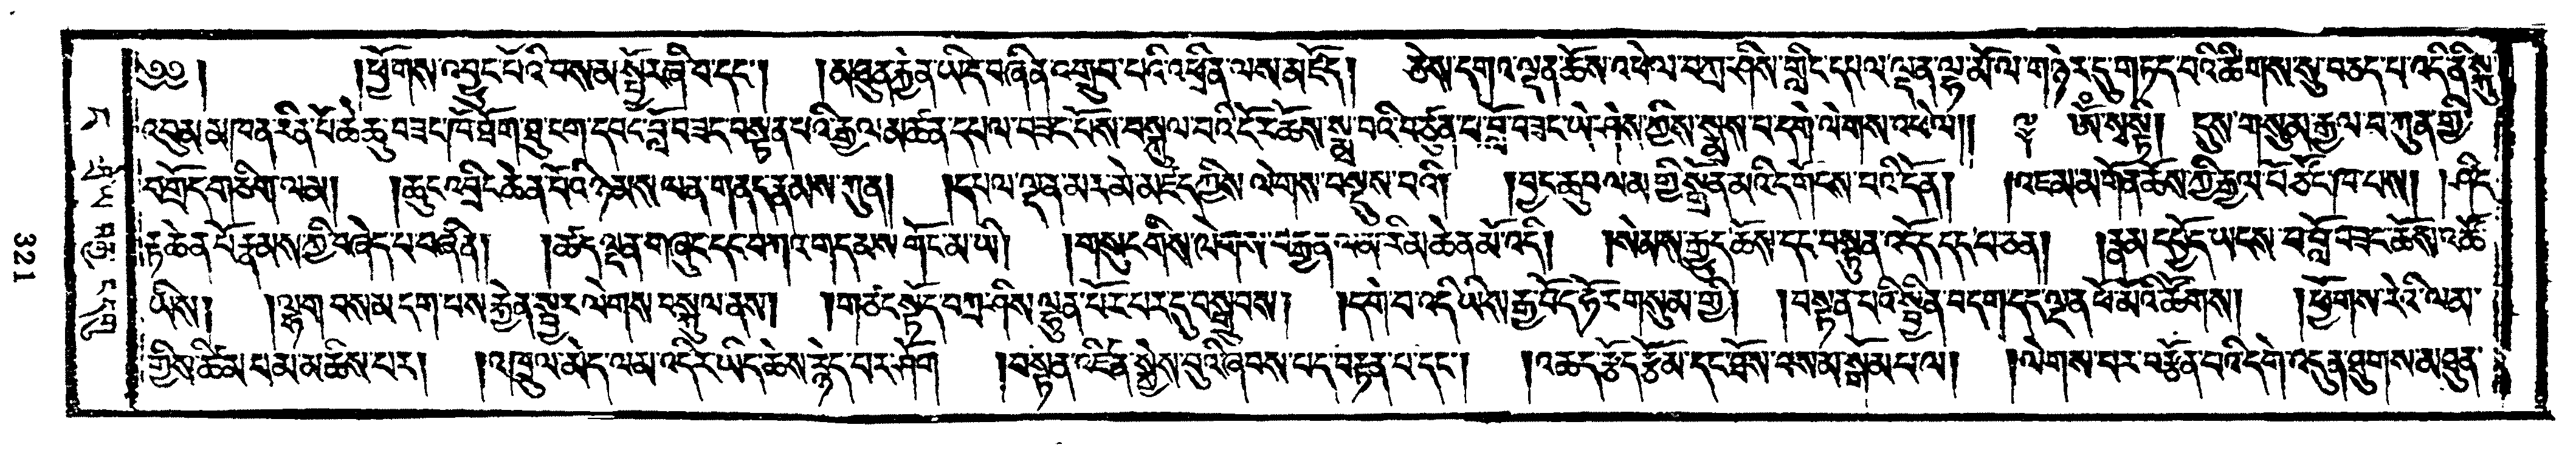༄༅། །ཕྱོགས་འབྱུང་པོའི་བསམ་སྦྱོར་ཞི་བ་དང་། །མཐུན་རྐྱེན་ཡིད་བཞིན་འགྲུབ་པའི་འཕྲིན་ལས་མཛོད། ཅེས་དགའ་ལྡན་ཆོས་འཕེལ་བཀྲ་ཤིས་གླིང་དཔལ་ལྡན་ལྷ་མོ་ལ་གཉེར་དུ་གཏད་པའི་ཚིགས་སུ་བཅད་པ་འདི་ནི་སྐུ་
འབུམ་མཁན་རིན་པོ་ཆེ་ཆུ་བཟང་ཁོ་ཐོག་ཐུ་ངག་དབང་བློ་བཟང་བསྟན་པའི་རྒྱལ་མཚན་དཔལ་བཟང་པོས་བསྐུལ་བའི་ངོར་ཆོས་སྨྲ་བའི་བཙུན་པ་བློ་བཟང་ཡེ་ཤེས་ཀྱིས་སྨྲས་པ་དགེ་ལེགས་འཕེལ།། ༈ ཨོཾ་སྭ་སྟི། དུས་གསུམ་རྒྱལ་བ་ཀུན་གྱི་
བགྲོད་གཅིག་ལམ། །ཆུང་འབྲིང་ཆེན་པོའི་ཉམས་ལན་གནད་རྣམས་ཀུན། །དཔལ་ལྡན་མར་མེ་མཛད་ཀྱིས་ལེགས་བསྡུས་པའི། །བྱང་ཆུབ་ལམ་གྱི་སྒྲོན་མའི་དགོངས་པའི་དོན། །འཇམ་མགོན་ཆོས་ཀྱི་རྒྱལ་པོ་ཙོང་ཁ་པས། །ཤིང་
རྟ་ཆེན་པོ་རྣམས་ཀྱི་བཞེད་པ་བཞིན། །ཚད་ལྡན་གཞུང་དང་བཀའ་གདམས་གོང་མ་ཡི། །གསུང་གིས་ལེགས་བརྒྱན་ལམ་རིམ་ཆེན་མོ་འདི། །སེམས་རྒྱུད་ཆོས་དང་བསྟུན་འདོད་དང་པ་ཅན། །རྣམ་དཔྱོད་ཡངས་པ་བློ་བཟང་ཆོས་འཚོ་
ཡིས། །ལྷག་བསམ་དག་པས་རྐྱེན་སྦྱར་ལེགས་བསྐུལ་ནས། །གཙང་སྟོད་བཀྲ་ཤིས་ལྷུན་པོར་པར་དུ་བསྒྲུབ། །དགེ་བ་འདི་ཡིས་རྒྱ་བོད་ཧོར་གསུམ་གྱི། །བསྟན་པའི་སྦྱིན་བདག་དང་ལྡན་ཕོ་མོའི་ཚོགས། །ཕྱོགས་རེའི་ལམ་
གྱིས་ཚིམ་པ་མ་མཆིས་པར། །འཁྲུལ་མེད་ལམ་འདིར་ཡིད་ཆེས་རྙེད་པར་ཤོག །བསྟན་འཛིན་སྐྱེས་བུའི་ཞབས་པད་བརྟན་པ་དང་། །འཆད་རྩོད་རྩོམ་དང་ཐོས་བསམ་སྒོམ་པ་ལ། །ལེགས་པར་བརྩོན་པའི་དགེ་འདུན་ཐུགས་མཐུན་